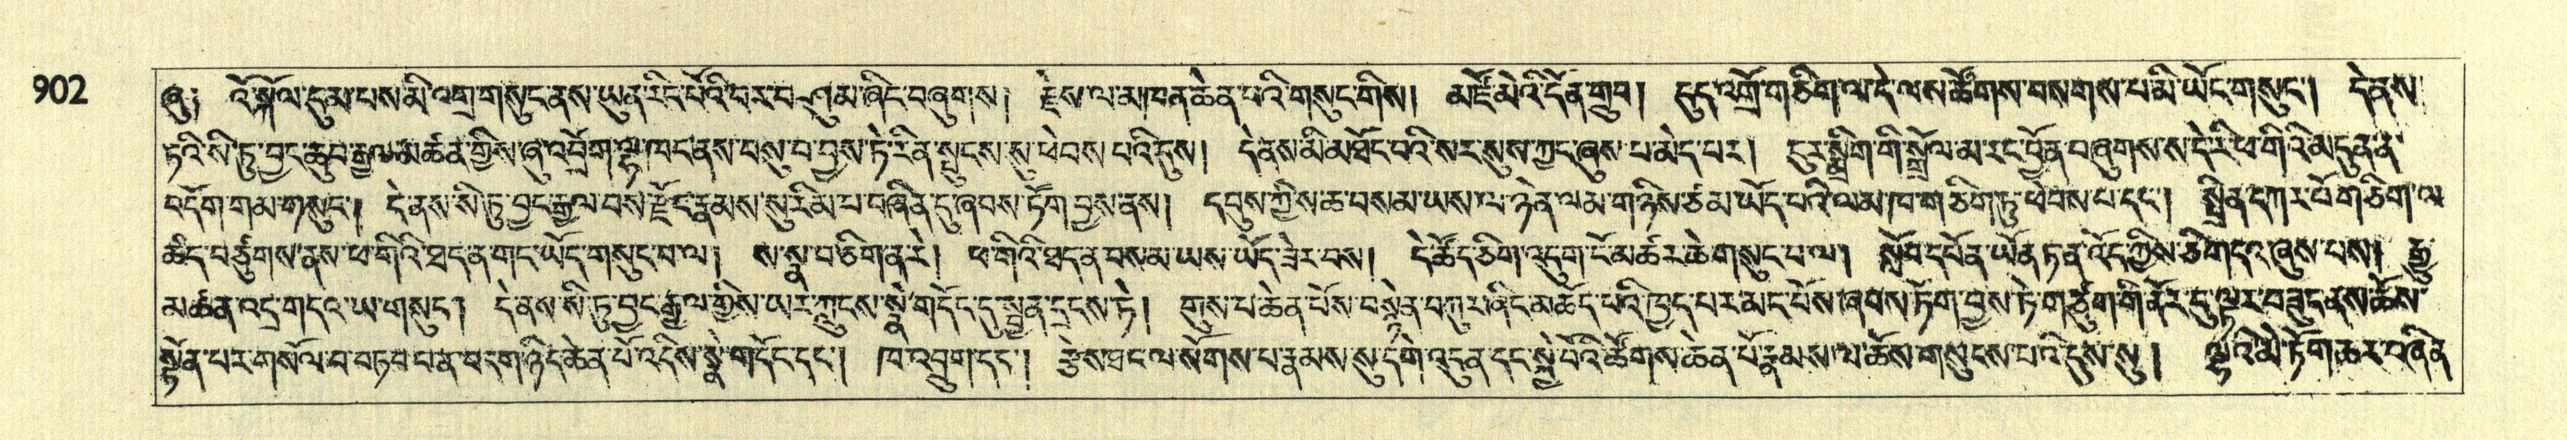ཞུ༑ འོ་སྐོལ་དུམ་པས་མི་འགྲ་གསུང་ནས་ཡུན་རིང་པོའི་བར་བཤུམ་ཞིང་བཞུགས། རྗེས་ལ་མཁན་ཆེན་པའི་གསུང་གིས། མཛོ་མེའི་དོན་གྲུབ། དུད་འགྲོ་གཅིག་ལ་དེ་ལས་ཚོགས་བསགས་པ་མི་ཡོང་གསུང་། དེ་ནས་
ཏའི་སི་ཏུ་བྱང་ཆུབ་རྒྱལ་མཚན་གྱིས་ཞུ་འབྲོག་ལྷ་ཁང་ནས་བསུ་བ་བྱས་ཏེ་རིན་སྤུངས་སུ་ཕེབས་པའི་དུས། དེ་ནས་མི་མཐོང་བའི་སར་སུས་ཀྱང་ཞུས་པ་མེད་པར། དུར་སྨྲིག་གི་སྒྲོལ་མ་རང་བྱོན་བཞུགས་ས་དེ་རི་ཕ་གིའི་མདུན་ན་
བདོག་གམ་གསུང་། དེ་ནས་སི་ཏུ་བྱང་རྒྱལ་བས་རྫོང་རྣམས་སུ་རིམ་པ་བཞིན་དུ་ཞབས་ཏོག་བྱས་ནས། དབུས་ཀྱིས་ཆ་བསམ་ཡས་ལ་ཉེན་ལམ་གཉིས་ཙམ་ཡོད་པའི་ལམ་ཁ་གཅིག་ཏུ་ཕེབས་པ་དང་། སྤྲིན་དཀར་པོ་གཅིག་ལ་
ཚད་བཙུགས་ནས་ཕ་གིའི་ཐད་ན་གང་ཡོད་གསུང་པ་ལ། ས་སྣ་བ་ཅིག་ན་རེ། ཕ་གིའི་ཐད་ན་བསམ་ཡས་ཡོད་ཟེར་བས། དེ་ཚོད་ཅིག་འདུག་ངོ་མཚར་ཆེ་གསུང་པ་ལ། སློབ་དཔོན་ཡོན་ཏན་འོད་ཀྱིས་ཅི་གདའ་ཞུས་པས། རྒྱུ་
མཚན་འདྲ་གདའ་ཡ་གསུང་། དེ་ནས་སི་ཏུ་བྱང་རྒྱལ་གྱིས་ཡར་ཀླུངས་སྣེ་གདོང་དུ་སྦྱན་དྲངས་ཏེ། གུས་པ་ཆེན་པོས་བསྙེན་བཀུར་ཞིང་མཆོད་པའི་ཁྱད་པར་མང་པོས་ཞབས་ཏོག་བྱས་ཏེ་གཙུག་གི་ནོར་དུ་ལྟར་བཟུང་ནས་ཆོས་
སྟོན་པར་གསོལ་བ་བཏབ་པན་བདག་ཉིད་ཆེན་པོ་འདིས་སྣེ་གདོང་དང་། ཁ་འབྲུག་དང་། རྩེས་ཐང་ལ་སོགས་པ་རྣམས་སུ་དགེ་འདུན་དང་སྐྱེ་བོའི་ཚོགས་ཆེན་པོ་རྣམས་ལ་ཆོས་གསུངས་པའི་དུས་སུ། ལྷའི་མེ་ཏོག་ཆར་བཞིན་